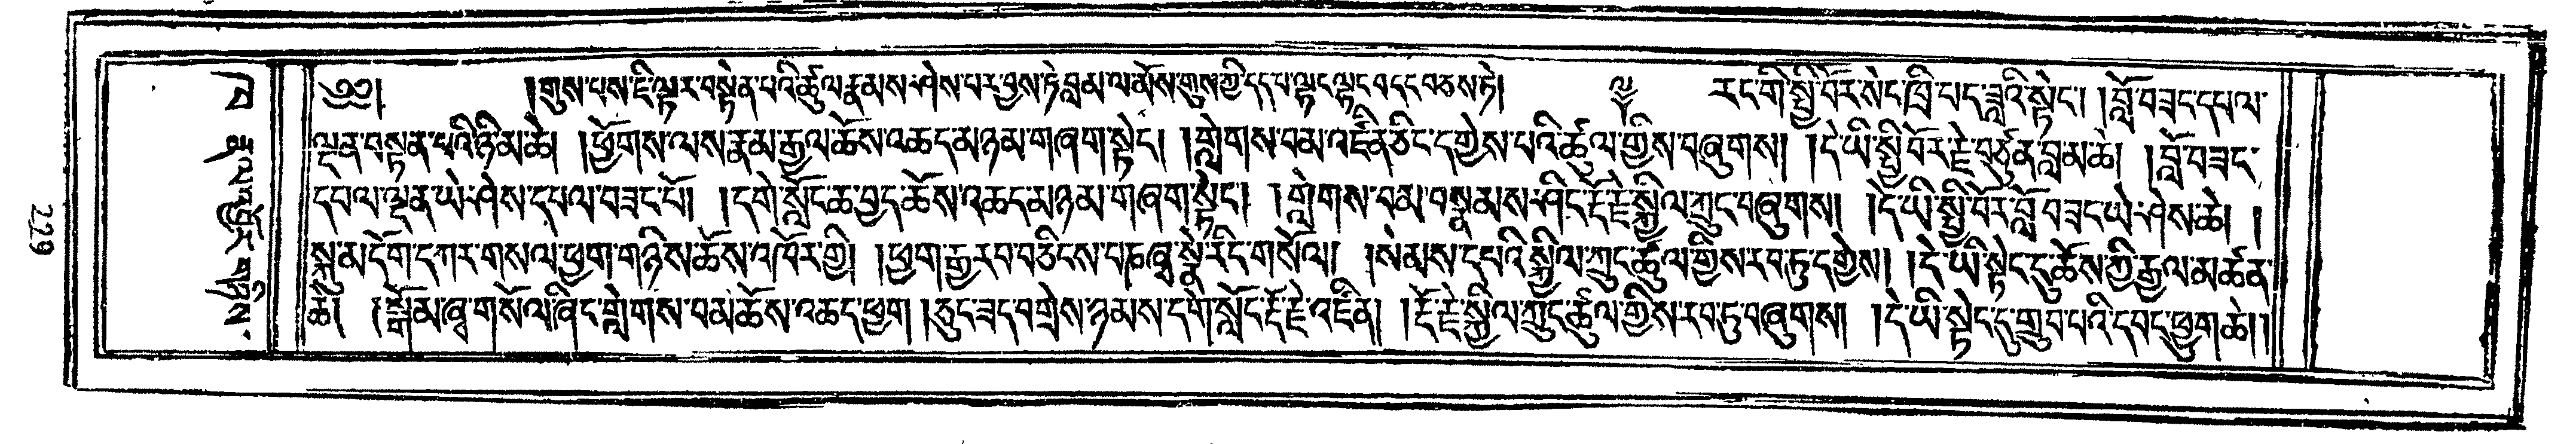༄༅། །གུས་པས་ཇི་ལྟར་བསྟེན་པའི་ཚུལ་རྣམས་ཤེས་པར་བྱས་ཏེ་བླ་མ་ལ་མོས་གུས་ཀྱི་དད་པ་ལྷང་ལྷང་བ་དང་བཅས་ཏེ། ༈ རང་གི་སྤྱི་བོར་སེང་ཁྲི་པད་ཟླའི་སྟེང་། །བློ་བཟང་དཔལ་
ལྡན་བསྟན་པའི་ཉི་མ་ཆེ། །ཕྱོགས་ལས་རྣམ་རྒྱལ་ཆོས་འཆད་མཉམ་གཞག་སྟེང་། །གླེགས་བམ་འཛིན་ཅིང་དགྱེས་པའི་ཚུལ་གྱིས་བཞུགས། །དེ་ཡི་སྦྱི་བོར་རྗེ་བཙུན་བླ་མ་ཆེ། །བློ་བཟང་
དཔལ་ལྡན་ཡེ་ཤེས་དཔལ་བཟང་པོ། །དགེ་སློང་ཆ་བྱད་ཆོས་འཆད་མཉམ་གཞག་སྟེང་། །གླེགས་བམ་བསྣམས་ཤིང་རྡོ་རྗེ་སྐྱིལ་ཀྲུང་བཞུགས། །དེ་ཡི་སྦྱི་བོར་བློ་བཟང་ཡེ་ཤེས་ཆེ། །
སྐུ་མདོག་དཀར་གསལ་ཕྱག་གཉིས་ཆོས་འཁོར་གྱི། །ཕྱག་རྒྱ་རབ་བཅིངས་པཎ་ཞྭ་སྣེ་རིང་གསོལ། །སེམས་དཔའི་སྐྱིལ་ཀྲུང་ཚུལ་གྱིས་རབ་ཏུ་དགྱེས། །དེ་ཡི་སྟེང་དུ་ཆོས་ཀྱི་རྒྱལ་མཚན་
ཆེ༑ ༑སྒོམ་ཞྭ་གསོལ་ཞིང་གླེགས་བམ་ཆོས་འཆད་ཕྱག །ཅུང་ཟད་བགྲེས་ཉམས་དགེ་སློང་རྡོ་རྗེ་འཛིན། །རྡོ་རྗེ་སྐྱིལ་ཀྲུང་ཚུལ་གྱིས་རབ་ཏུ་བཞུགས། །དེ་ཡི་སྟེང་དུ་གྲུབ་པའི་དབང་ཕྱུག་ཆེ། །